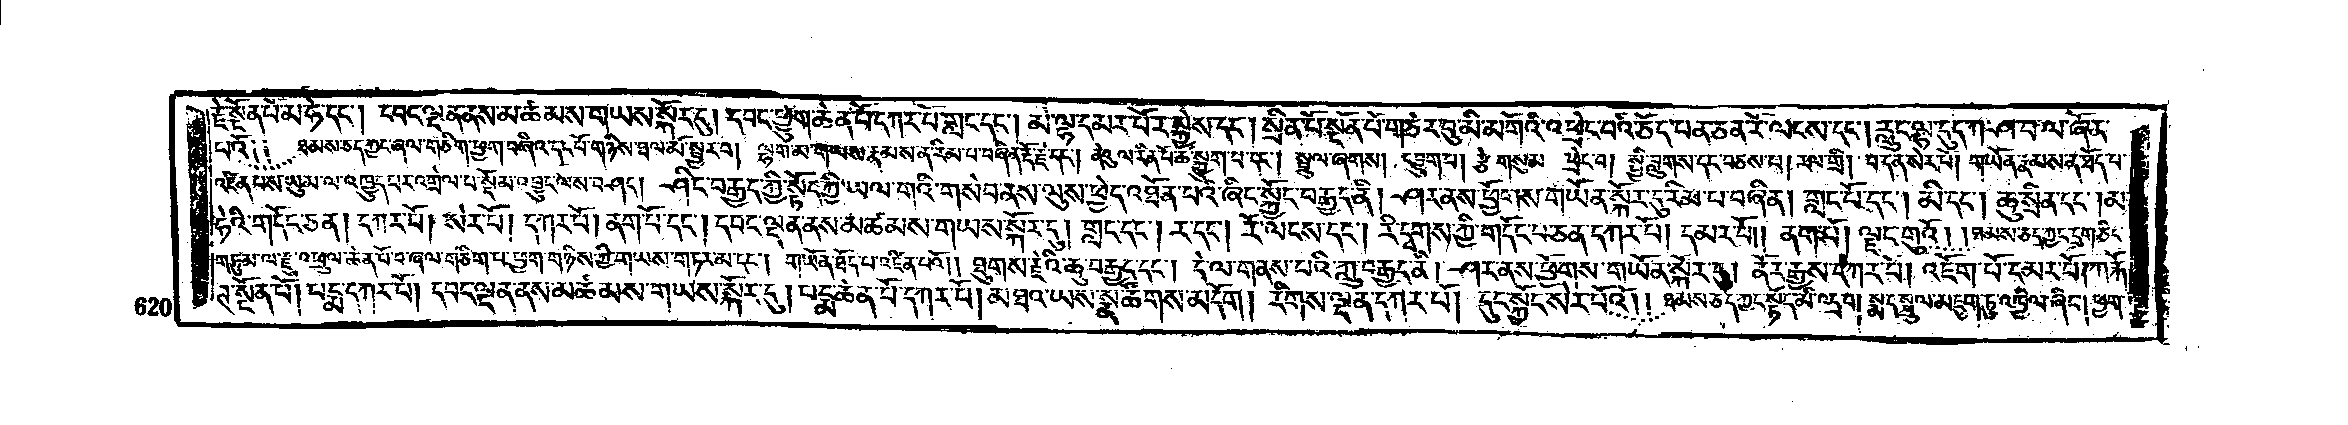རྗེ་སྔོན་པོ་མ་ཧེ་དང་། དབང་ལྡན་ནས་མཚམས་གཡས་སྐོར་དུ། དབང་ཕྱུག་ཆེན་པོ་དཀར་པོ་གླང་དང་། མེ་ལྷ་དམར་པོ་ར་སྐྱེས་དང་། སྲིན་པོ་སྔོན་པོ་གཅེར་བུ་མི་མགོའི་འཕྲེང་བའི་ཅོད་པན་ཅན་རོ་ལངས་དང་། རླུང་ལྷ་དུད་ཀ་ཤ་བ་ལ་ཞོན་
པའོ། །ཐམས་ཅད་ཀྱང་ཞལ་གཅིག་ཕྱག་བཞིའི་དང་པོ་གཉིས་ཐལ་མོ་སྦྱར་བ། ལྷག་མ་གཡས་རྣམས་ན་རིམ་པ་བཞིན་རྡོ་རྗེ་དང་། ནེའུ་ལ་རིན་པོ་ཆེ་སྐྱུག་པ་དང་། སྦྲུལ་ཞགས། དབྱུག་པ། རྩེ་གསུམ། ཕྲེང་བ། སྤྱི་བླུགས་དང་བཅས་པ། རལ་གྲི། བ་དན་སེར་པོ། གཡོན་རྣམས་ན་ཐོད་པ་
འཛིན་པས་ཡུམ་ལ་འཁྱུད་པར་འགྲེལ་པ་སྡོམ་འབྱུང་ལས་བཤད། ཤིང་བརྒྱད་ཀྱི་སྟོད་ཀྱི་ཡལ་གའི་གསེབ་ནས་ལུས་ཕྱེད་འཐོན་པའི་ཞིང་སྐྱོང་བརྒྱད་ནི། ཤར་ནས་ཕྱོགས་གཡོན་སྐོར་དུ་རིམ་པ་བཞིན། གླང་པོ་དང་། མི་དང་། ཆུ་སྲིན་དང་། མ་
ཧེའི་གདོང་ཅན། དཀར་པོ། སེར་པོ། དཀར་པོ། ནག་པོ་དང་། དབང་ལྡན་ནས་མཚམས་གཡས་སྐོར་དུ། གླང་དང་། ར་དང་། རོ་ལངས་དང་། རི་དྭགས་ཀྱི་གདོང་པ་ཅན་དཀར་པོ། དམར་པོ། །ནག་པོ། ལྗང་གུའོ། །ཐམས་ཅད་ཀྱང་དྲག་ཅིང་
གཏུམ་ལ་རྫུ་འཕྲུལ་ཆེན་པོ་བ་ཞལ་གཅིག་པ་ཕྱག་གཉིས་ཀྱི་གཡས་གཏར་མ་དང་། གཡོན་ཐོད་པ་འཛིན་པའོ། །ཐུགས་རྗེའི་ཆུ་བརྒྱད་དང་། དེ་ལ་གནས་པའི་ཀླུ་བརྒྱད་ནི། ཤར་ནས་ཕྱོགས་གཡོན་སྐོར་དུ། ནོར་རྒྱས་དཀར་པོ། འཇོག་པོ་དམར་པོ། ཀ་རྐོ་
ཊ་སྔོན་པོ། པདམ་དཀར་པོ། དབང་ལྡན་ནས་མཚམས་གཡས་སྐོར་དུ། པདམ་ཆེན་པོ་དཀར་པོ། མཐའ་ཡས་སྣ་ཚོགས་མདོག །རིགས་ལྡན་དཀར་པོ། དུང་སྐྱོང་སེར་པོའོ། །ཐམས་ཅད་ཀྱང་སྟོད་མི་འདྲ་བ། སྨད་སྦྲུལ་མཇུག་ཏུ་འཁྱིལ་ཞིང་། ཕྱག་